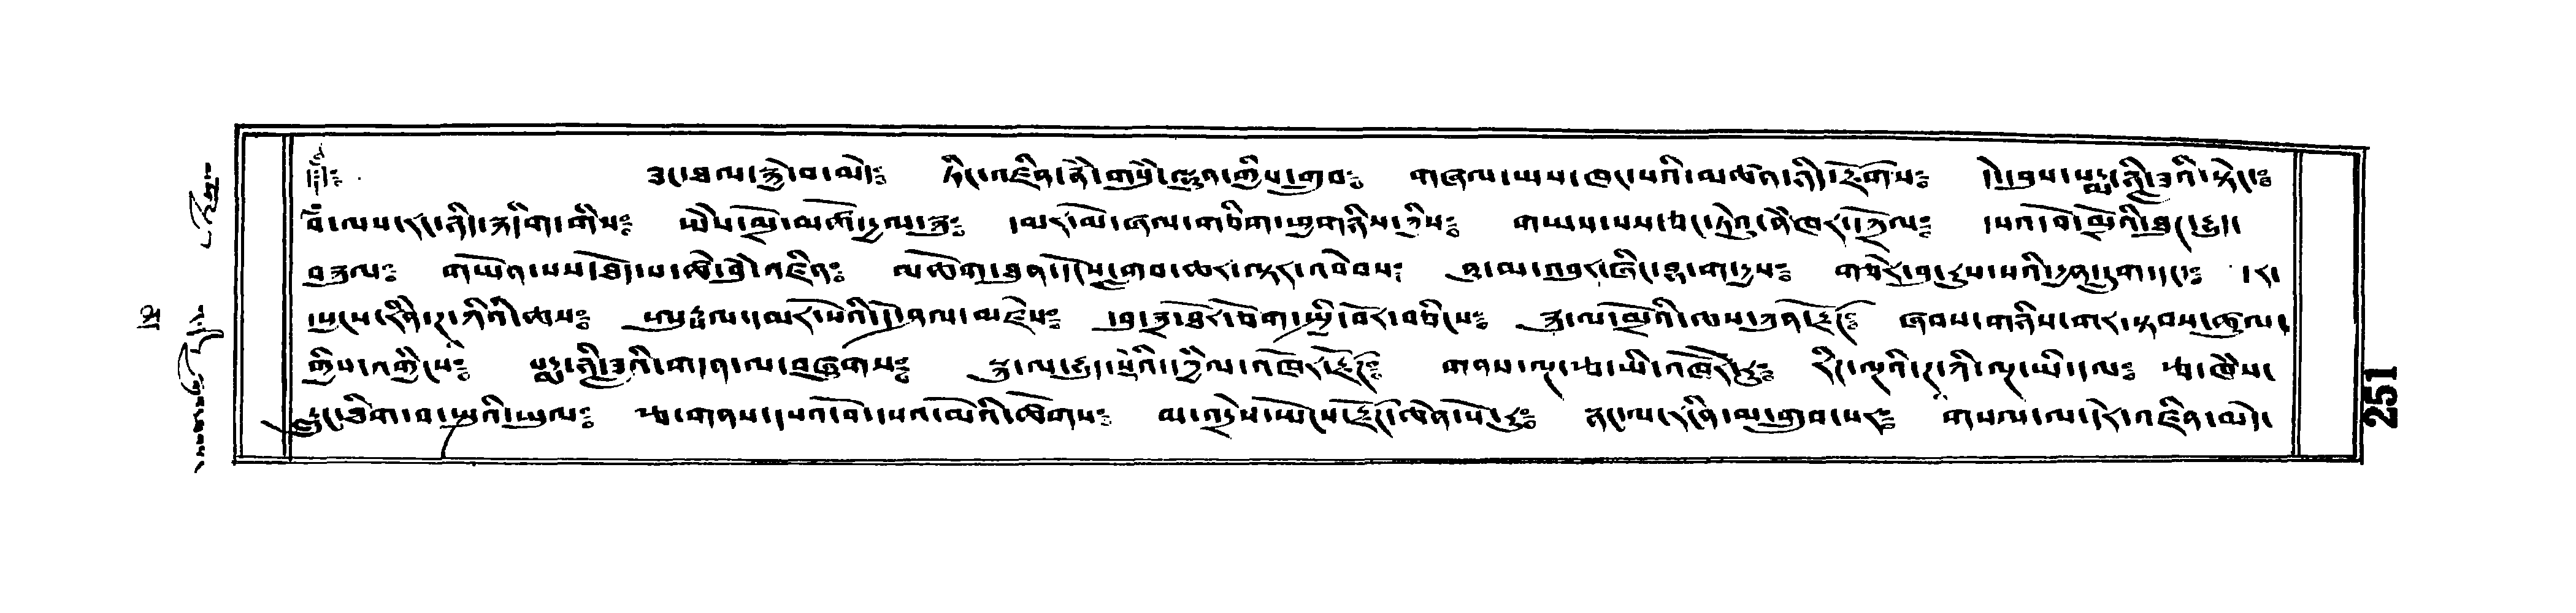ཟང་ཐལ་སྐྱེ་བ་མེད༔ ཏིང་འཛིན་རྣམ་གསུམ་ལྷུན་གྱིས་གྲུབ༔ གཞལ་ཡས་ཁང་པའི་མཚན་ཉིད་རྫོགས༔ དེ་དབུས་པདྨ་ཉི་ཟླའི་སྟེང༔ 
བྃ་ལས་རང་ཉིད་སྐད་ཅིག་གིས༔ ཡེ་ཤེས་མཁའ་འགྲོ་མཚོ་རྒྱལ་སྐུ༔ དམར་མོ་ཞལ་གཅིག་ཕྱག་གཉིས་ཀྱིས༔ གཡས་པས་ཅང་ཏེའུ་ནམ་མཁར་དཀྲོལ༔ དཔའ་བོ་མཁའ་འགྲོའི་ཐུགས་རྒྱུད་
བསྐུལ༔ གཡོན་པས་ཐོད་པ་ཚེ་བུམ་འཛིན༔ མཆོག་ཐུན་དངོས་གྲུབ་ཆར་ལྟར་འབེབས༔ ནུ་མ་འབུར་ཞིང་བྷ་ག་རྒྱས༔ གཅེར་བུ་རུས་པའི་རྒྱན་དྲུག་དང༔ དར་
དཔྱངས་རིན་ཆེན་ཌཱ་ཀིའི་ཆས༔ ཨུཏྤལ་དམར་པོའི་དོ་ཤལ་མཛེས༔ དབུ་སྐྲ་ཐོར་ཅོག་སྤྱིར་བོར་བཅིངས༔ སྐུ་ལ་མཁའ་འགྲོའི་ཆས་ཀུན་རྫོགས༔ ཞབས་གཉིས་གར་སྟབས་ཚུལ་
གྱིས་འགྱིངས༔ པདྨ་ཉི་ཟླའི་གདན་ལ་བཞུགས༔ སྐུ་ལ་རྒྱུད་སྡེའི་དཀྱིལ་འཁོར་རྫོགས༔ གནས་ལྔ་རྩ་ཡི་འཁོར་ལོ་རུ༔ རིགས་ལྔའི་ཌཱ་ཀི་ལྔ་ཡི་དལ༔ རྩ་ཁམས་
རླུང་ཐིག་བ་སྤུའི་ཡུལ༔ རྩ་གནས་དཔའ་བོ་དཔའ་མོའི་ཚོགས༔ མ་འདྲེས་ཡོངས་རྫོགས་ཆེན་པོ་རུ༔ སྣང་ལ་རང་བཞིན་མ་གྲུབ་པར༔ གསལ་ལ་དེར་འཛིན་མེད་